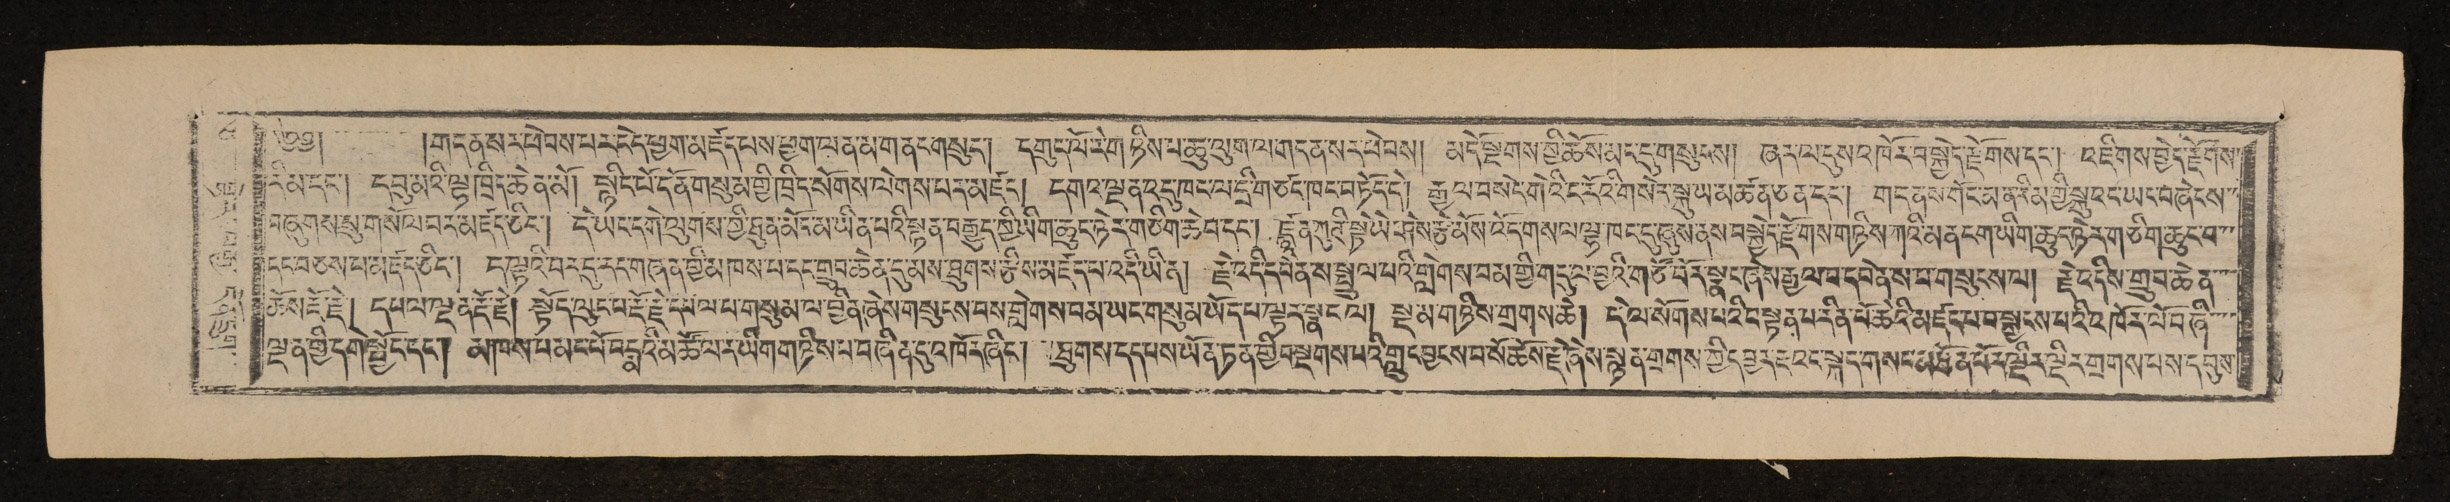༄༅། །གདན་སར་ཕེབས་པར་ངེད་ཕྱག་མཛད་པས་ཕྱག་ལན་མ་གནང་གསུང་། དགུང་ལོ་རེ་གཉིས་པ་ཆུ་ལུག་ལ་གདན་སར་ཕེབས། མདོ་སྔགས་ཀྱི་ཆོས་མང་དུ་གསུངས། ཞར་ལ་དུས་འཁོར་བསྐྱེད་རྫོགས་དང་། འཇིགས་བྱེད་རྫོགས་
རིམ་དང་། དབུ་མའི་ལྟ་ཁྲིད་ཆེན་མོ། སྙིང་པོ་དོན་གསུམ་གྱི་ཁྲིད་སོགས་ལེགས་པར་མཛད། དགའ་ལྡན་འདུ་ཁང་ལ་དྲི་གཙང་ཁང་བཏོད་དེ། རྒྱལ་བ་སེང་གེའི་ང་རོའི་གསེར་སྐུ་ཡ་མཚན་ཅན་དང་། གང་ནས་གོང་མན་རིམ་གྱི་སྐུ་འདྲ་ཡང་བཞེངས་
བཞུགས་སུ་གསོལ་བར་མཛད་ཅིང་། དེ་ཡང་དགེ་ལུགས་ཀྱི་ཐུན་མོང་མ་ཡིན་པའི་སྙན་བརྒྱུད་ཀྱི་ཡིག་ཆུང་ཉེར་གཅིག་ཆེ་བ་དང་། ཛྙཱ་ན་ཀུ་ཊི་སྟེ་ཡེ་ཤེས་རྩེ་མོས་འོད་གསལ་ལྷ་ཁང་དུ་ཞུས་ནས་བསྐྱེད་རྫོགས་གཉིས་ཀའི་མན་ངག་ཡིག་ཆུང་ཉེར་གཅིག་ཆུང་བ་
དང་བཅས་པ་མཛད་ཅིང་། ད་ལྟའི་བར་དུ་རང་གཞན་གྱི་མཁས་པ་དང་གྲུབ་ཆེན་དུ་མས་ཐུགས་རྩིས་མཛད་པ་འདི་ཡིན། རྗེ་འདི་དབེན་ས་སྦྲུལ་བའི་གླེགས་བམ་གྱི་གདུལ་བྱའི་གཙོ་བོར་སྣང་ཞེས་རྒྱལ་བ་དབེ་ནས་པ་གསུངས་ལ། རྗེ་འདིས་གྲུབ་ཆེན་
ཆོས་རྡོ་རྗེ། དཔལ་ལྡན་རྡོ་རྗེ། སྟོད་ལུང་བ་རྡོ་རྗེ་དཔལ་བ་གསུམ་ལ་བྱིན་ཞེས་གསུངས་པས་གླེགས་བམ་ཡང་གསུམ་ཡོད་པ་ལྟར་སྣང་ལ། སྔ་མ་གཉིས་གྲགས་ཆེ། དེ་ལ་སོགས་པའི་བསྟན་པ་རིན་པོ་ཆེའི་མཛད་པ་བསྐྱངས་པའི་འཁོར་ལོ་བཞི་
ལྡན་གྱི་དགེ་སྦྱོང་དང་། མཁས་པ་མང་པོ་པདམའི་མཚོ་ལ་ར་ཡིག་གཉིས་པ་བཞིན་དུ་འཁོར་ཞིང་། ཐུགས་དད་པས་ཡོན་ཏན་གྱི་བསྔགས་པའི་ཀླུ་དབྱངས་པ་སོ་ཆོས་རྗེ་ཞེས་སྙན་གྲགས་ཀྱི་དབྱར་རྡའང་སྐད་གསང་མཐོན་པོར་ལྡིར་ལྡིར་གྲགས་པས་དབུས་